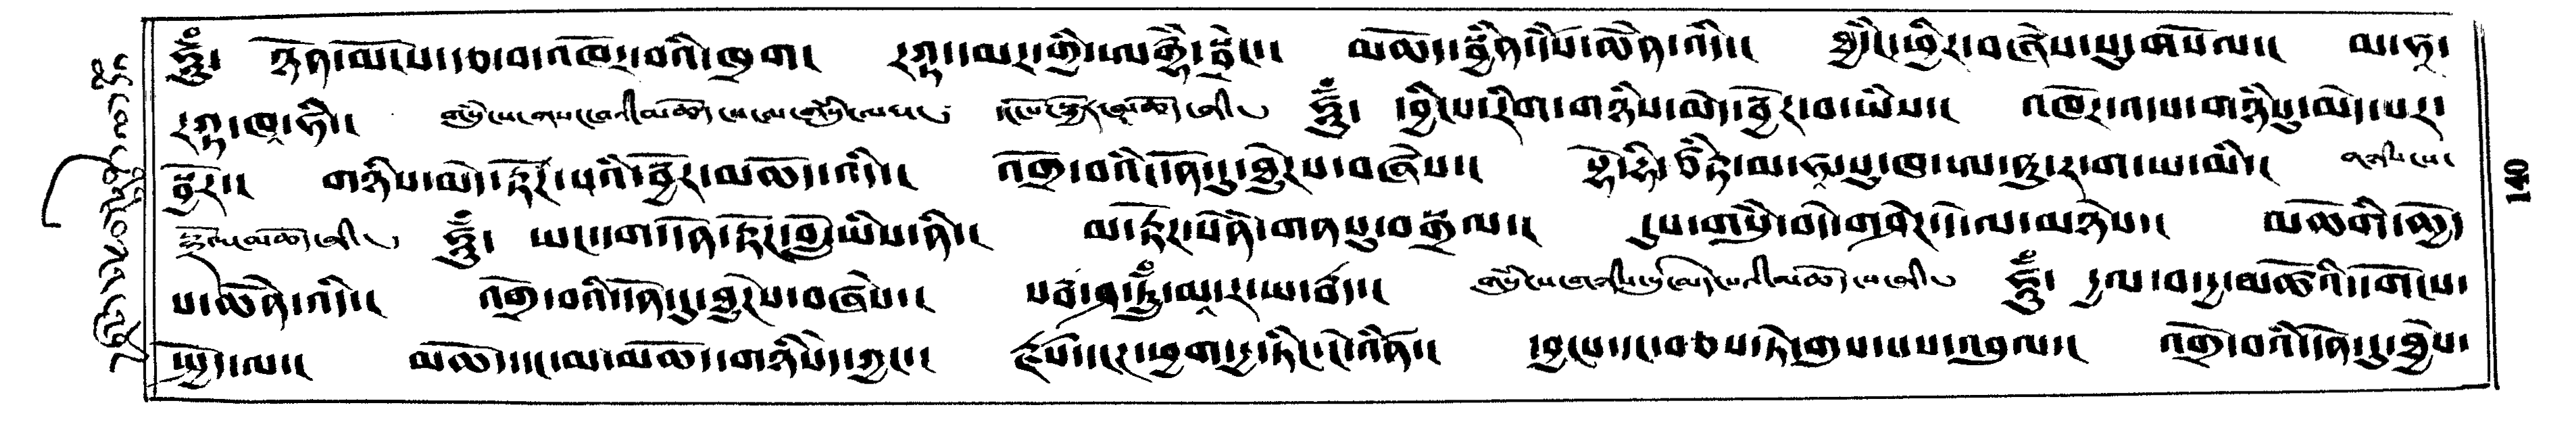ཧཱུྃ། ཉོན་མོངས་རྩ་བ་འཁོར་བའི་ཁྲག །རཀྟ་དམར་གྱི་ཨརྒྷཾ་སྦྲེང་། མཆོད་སྦྱིན་དམ་རྫས་ཆེན་པོ་འདི། །ཐུགས་དམ་བསྐང་ཕྱིར་བཞེས་སུ་གསོལ། །མ་ཧཱ་
རཀྟ་ཁཱ་ཧི། གསུམ་པ་གསང་བའི་མཆོད་པ་ལ་གསུམ་ལས། དང་པོ་སྦྱོར་མཆོད་ནི། ཧཱུྃ། དབྱིངས་རིག་གཉིས་མེད་སྦྱོར་བ་ཡིས། འཁོར་འདས་གཉིས་སུ་མེད་པར་
སྦྱོར། །གཉིས་མེད་རྟོགས་པའི་སྦྱོར་མཆོད་འདི། །འགྲོ་བའི་དོན་དུ་ཐུགས་རྗེས་བཞེས། བྷོ་དྷི་ཙིཏྟ་མ་ཧཱ་སུ་ཁཨ་ནུ་ར་ག་ཡ་མི། གཉིས་པ་
སྒྲོལ་མཆོད་ནི། ཧཱུྃ། ཡང་དག་དོན་རྟོགས་བློ་ཡིས་ནི། །མ་རྟོགས་སེམས་ཅན་གནས་སུ་བསྒྲལ། །དུས་གསུམ་བདེ་གཤེགས་དེ་ལ་མཉེས། །མཆོག་གི་མཆོད་ཆོག་
པ་ཆེན་པོ་འདི། །འགྲོ་བའི་དོན་དུ་ཐུགས་རྫས་བཞེས། སརྦ་ཤ་ཏྲུྃ་མཱ་ར་ཡ་རྦད། གསུམ་པ་གཉིས་སུ་མེད་པའི་མཆོད་པ་ནི། ཧཱུྃ། རྒྱལ་བ་རྒྱ་མཚོའི་དགོངས་
སྤྱོད་ལ། །མཆོད་དང་མ་མཆོད་གཉིས་མེད་ཀྱང་། རྫས་སྔགས་ཕྱག་རྒྱ་ཏིང་ངེ་འཛིན། །དབྱངས་དང་བཅས་ཏེ་གུས་པས་འབུལ། །འགྲོ་བའི་དོན་ཏུ་ཐུགས་རྗེས་